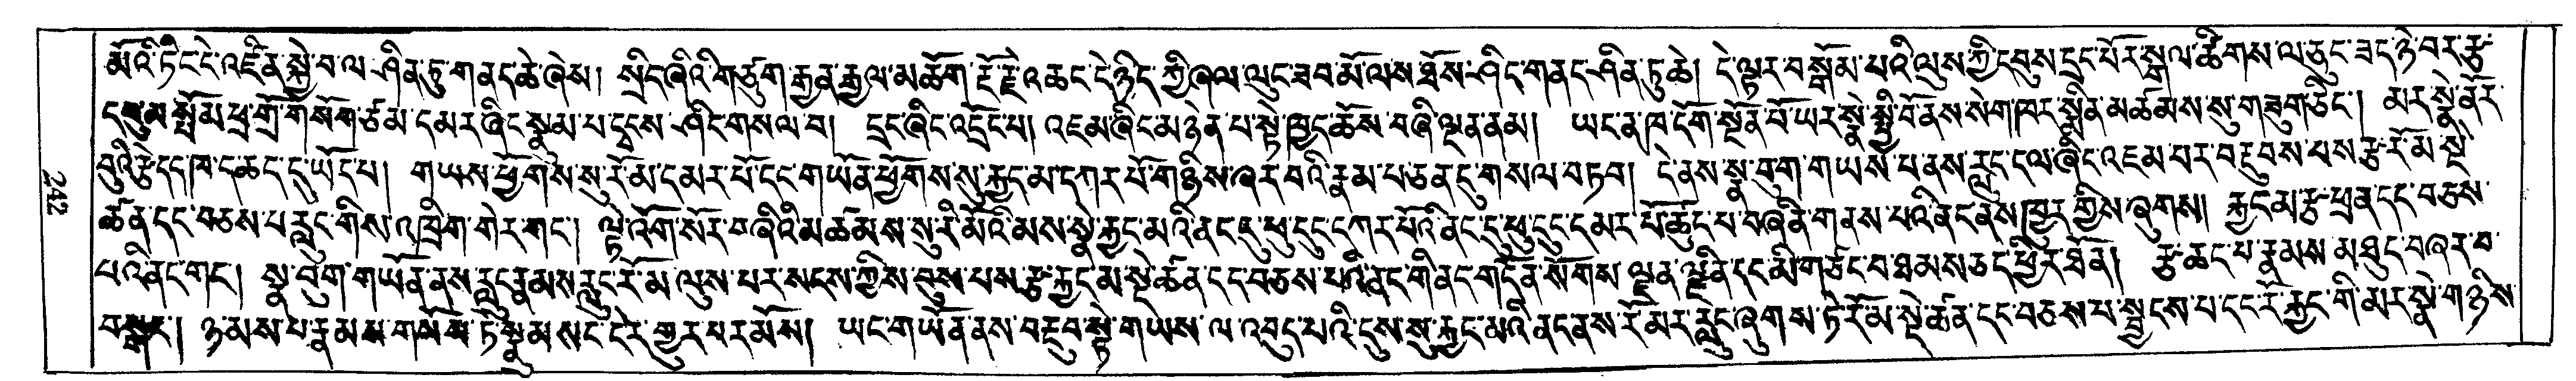མོའི་ཏིང་ངེ་འཛིན་སྐྱེ་བ་ལ་ཤིན་ཏུ་གནད་ཆེ་ཞེས། སྲིད་ཞིའི་གཙུག་རྒྱན་རྒྱལ་མཆོག་རྡོ་རྗེ་འཆང་དེ་ཉིད་ཀྱི་ཞལ་ལུང་ཟབ་མོ་ལས་ཐོས་ཤིང་གནད་ཤིན་ཏུ་ཆེ། དེ་ལྟར་བསྒོམ་པའི་ལུས་ཀྱི་དབུས་དྲང་པོར་སྒལ་ཚིགས་ལ་ཅུང་ཟད་ཉེ་བར་རྩ་
དབུ་མ་སྦོམ་ཕྲ་གྲོ་གསོག་ཙམ་དམར་ཞིང་སྣུམ་པ་དྭངས་ཤིང་གསལ་བ། དྲང་ཞིང་འདྲོང་བ། འཇམ་ཞིང་མཉེན་པ་སྟེ་ཁྱད་ཆོས་བཞི་ལྡན་ནམ༑ ཡང་ན་ཁ་དོག་སྔོན་པོ་ཡར་སྣེ་སྤྱི་བོ་ནས་སེག་ཁར་སྨིན་མཚམས་སུ་གཟུགས་ཅིང་། མར་སྣེ་ནོར་
བུའི་རྩེ་དང་ཁད་ཆད་དུ་ཡོད་པ། གཡས་ཕྱོགས་སུ་རོ་མ་དམར་པོ་དང་གཡོན་ཕྱོགས་སུ་རྐྱང་མ་དཀར་པོ་གཉིས་ཞར་བའི་རྣམ་པ་ཅན་དུ་གསལ་བཏབ། དེ་ནས་སྣ་བུག་གཡས་པ་ནས་རླུང་དལ་ཞིང་འཇམ་པར་བརྡུབས་པས་རྩ་རོ་མ་སྡེ་
ཚན་དང་བཅས་པ་རླུང་གིས་འཁྲིག་གེར་གང་། ལྟེ་འོག་སོར་བཞིའི་མཚམས་སུ་རི་མོའི་མས་སྣེ་རྐྱང་མའི་ནང་དུ་ཕུ་དུང་དཀར་པོའི་ནང་དུ་ཕུ་དུང་དམར་པོ་ཚུད་པ་བཞིན་གནས་པའི་ནང་ནས་ཁྱུར་གྱིས་ཞུགས། །རྐྱང་མ་རྩ་ཕྲན་དང་བཅས་
པའི་ནང་གང་། སྣ་བུག་གཡོན་ནས་རླུང་རྣམས་རླུང་རོ་མ་ལུས་པར་སངས་ཀྱིས་བུས་པས་རྩ་རྐྱང་མ་སྡེ་ཚན་དང་བཅས་པའི་ནང་གི་ནད་གདོན་སོགས་ལྗན་ལྗིན་དང་མི་གཙང་བ་ཐམས་ཅད་ཕྱིར་ཐོན། རྩ་ཆད་པ་རྣམས་མཐུང་བཟར་བ་
བསྒང་། ཉམས་པ་རྣམས་གསོས་ཏེ་སྣུམ་སང་ངེར་གྱུར་པར་མོས། ཡང་གཡོན་ནས་བརྡུབ་སྟེ་གཡས་ལ་འབུད་པའི་དུས་སུ་རྐྱང་མའི་ནང་ནས་རོ་མར་རླུང་ཞུགས་ཏེ་རོ་མ་སྡེ་ཚན་དང་བཅས་པ་སྦྱངས་བ་དང་རོ་རྐྱང་གི་མར་སྣེ་གཉིས་